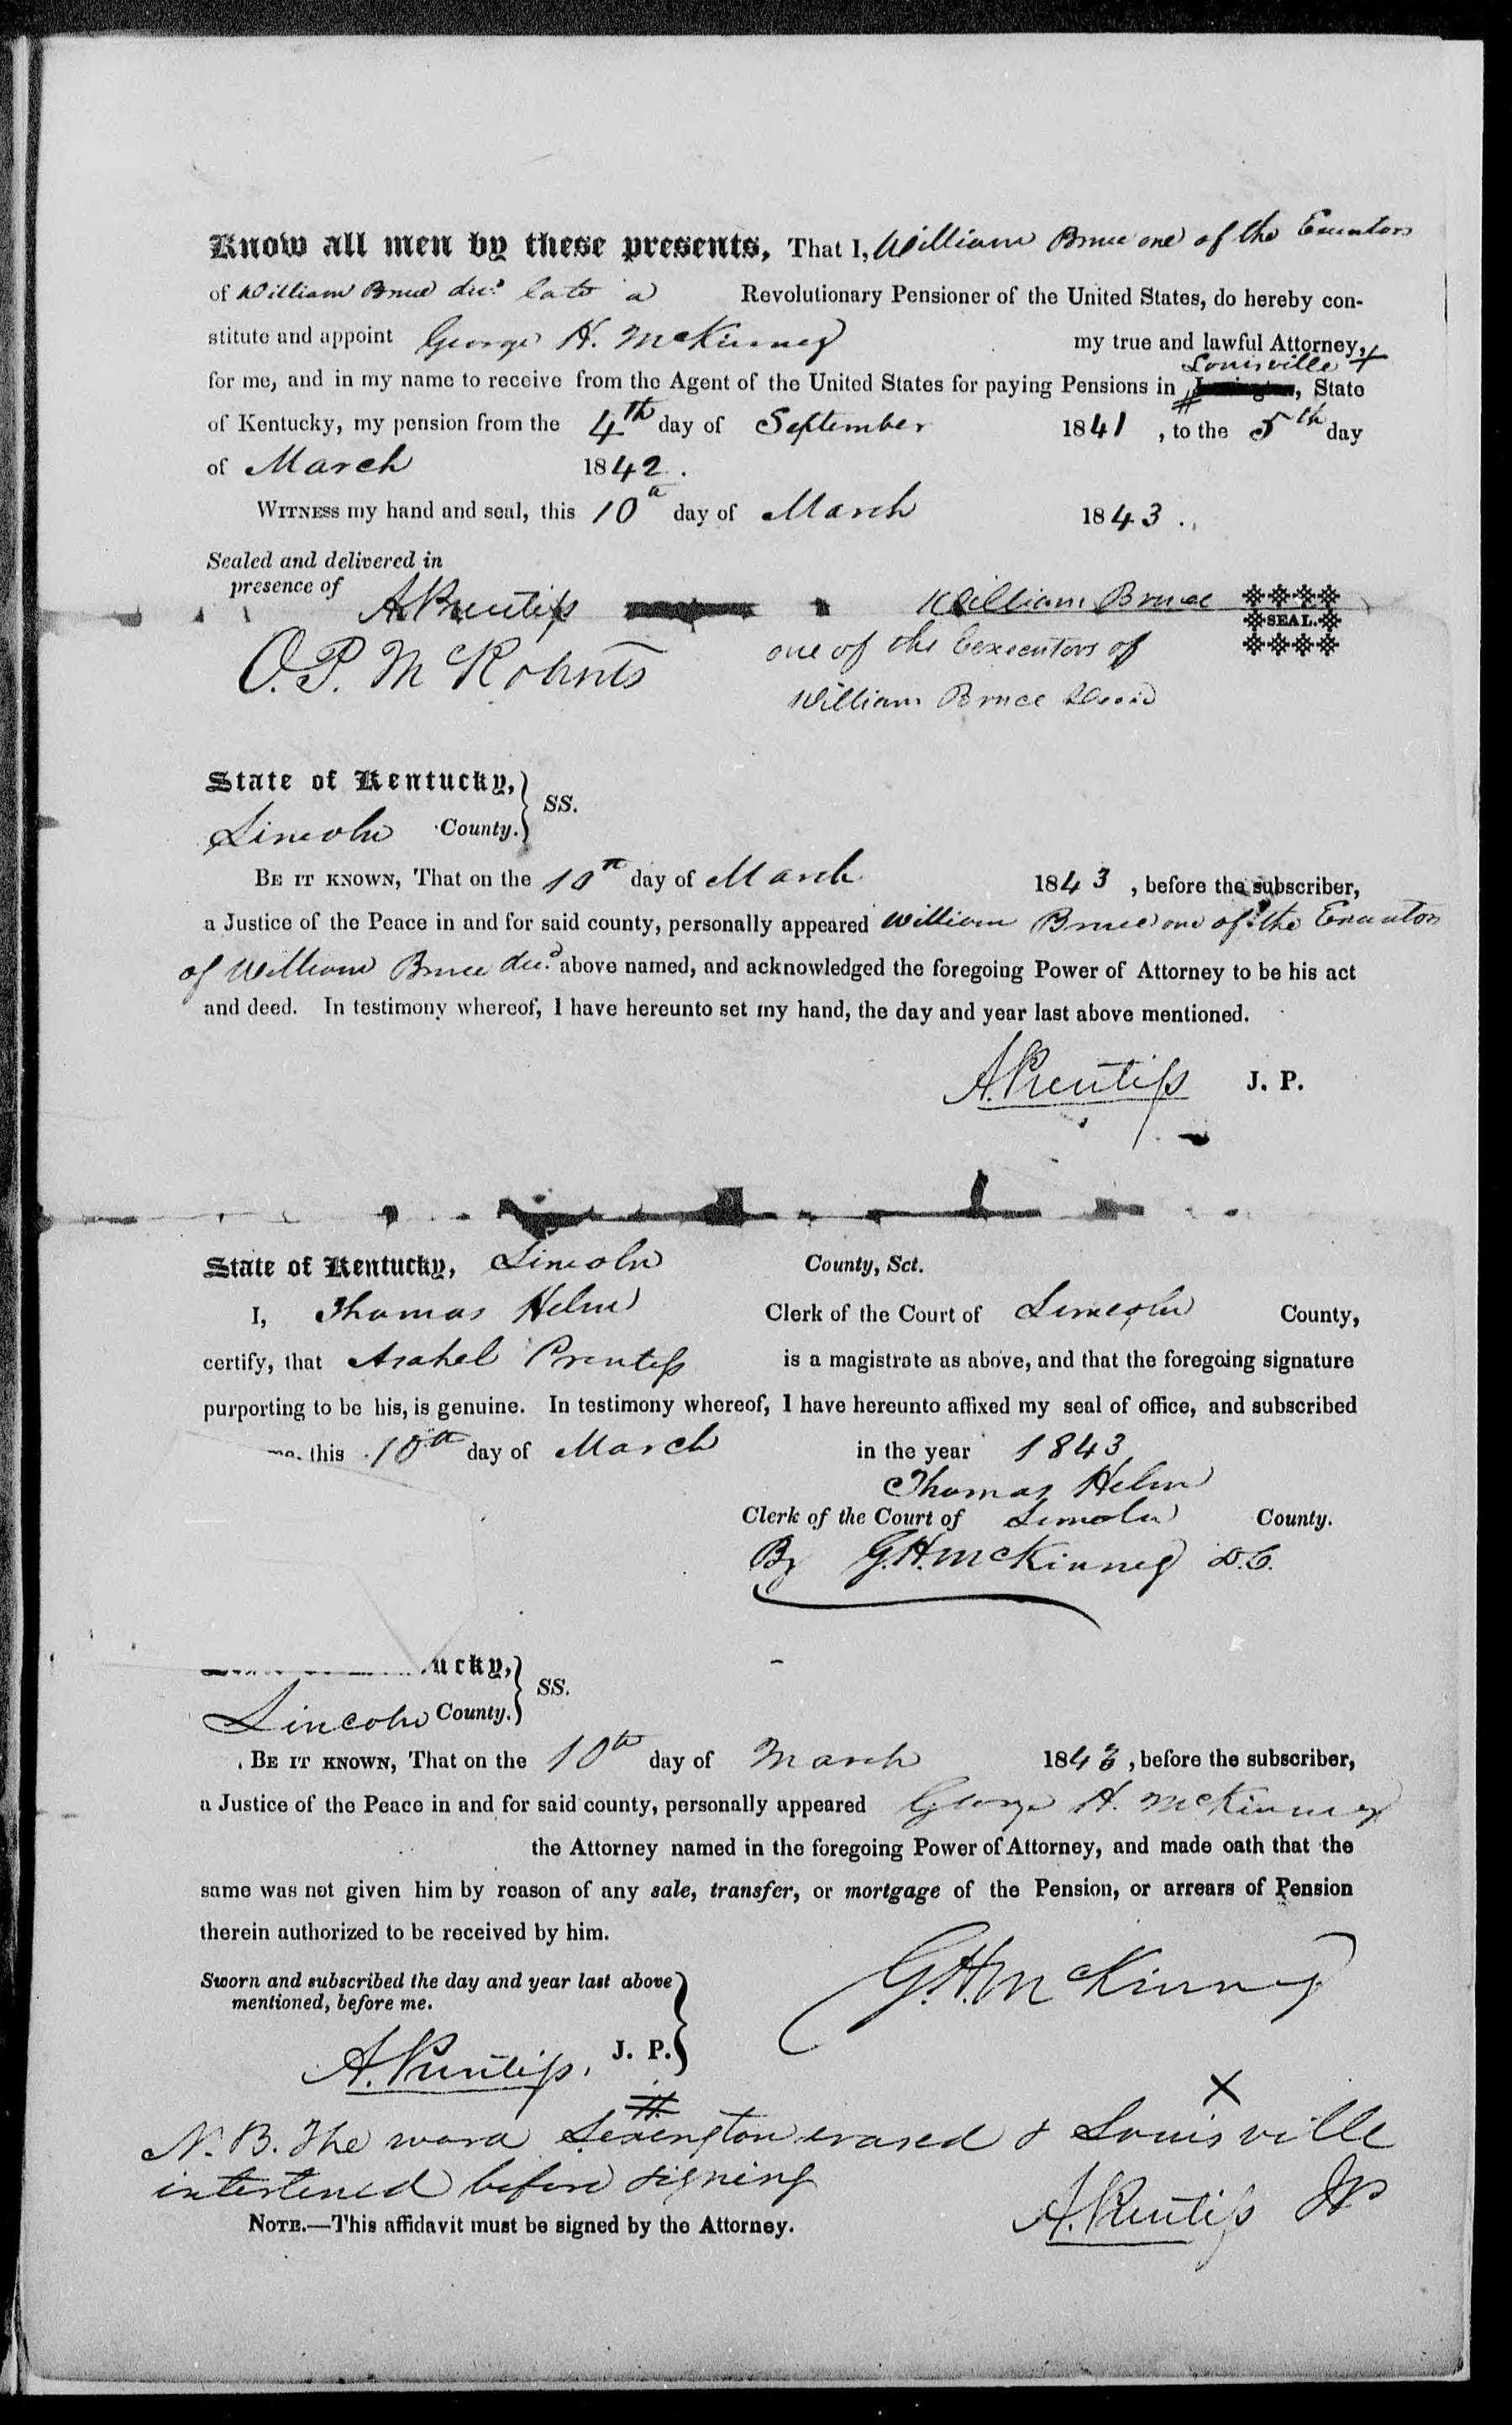[typed form, with handwritten responses]

Know all men by these presents, That I, William Bruce one of the Executors of William Bruce decd [deceased] late a Revolutionary Pensioner of the United States, do hereby constitute and appoint George H. McKinney my true and lawful Attorney for me, and in my name to receive from the Agent of the United States for paying Pensions in Louisville & State of Kentucky, my pension from the 4th day of September of March 1841, to the 5th day 1842 
WITNESS my hand and seal, this 10th day of March 1843. 
Sealed and delivered in presence of A Prentiss   William Bruce {SEAL.}
O. P. McRoberts one of the Executors of William Bruce deceased

State of Kentucky,} 
Lincoln County.} SS. 
BE IT KNOWN, That on the 10th day of March 1843, before the subscriber, a Justice of the Peace in and for said county, personally appeared William Bruce one of the Executor of William Bruce decd [deceased] above named, and acknowledged the foregoing Power of Attorney to be his act and deed. In testimony whereof, I have hereunto set my hand, the day and year last above mentioned. 
A. Prentiss J. P. 

State of Kentucky, Lincoln County, Sct. 
I, Thomas Helm Clerk of the Court of Lincoln County, certify, that Asahel Prentiss is a magistrate as above, and that the foregoing signature purporting to be his, is genuine. In testimony whereof, I have hereunto affixed my seal of office, and subscribed [word covered over by seal] this 10th day of March in the year 1843 
Thomas Helm Clerk of the Court of Lincoln County. 
By G. H. McKinney D.C.

[covered over by seal - State of Kent] ucky,}
Lincoln County.} SS.
BE IT KNOWN, That on the 10th day of March 1843, before the subscriber, a Justice of the Peace in and for said county, personally appeared George H. McKinney the Attorney named in the foregoing Power of Attorney, and made oath that the same was not given him by reason of any sale, transfer, or mortgage of the Pension, or arrears of Pension therein authorized to be received by him. 
George H. McKinney
Sworn and subscribed the day and year last above} 
mentioned, before me.} 
A. Prentiss J. P.}

N.B. The word [^ #] Lexington erased & Louisville interlined before signing 
NOTE. -- This affidavit must be signed by the Attorney.  A. Prentiss JP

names: William Bruce, Thomas Helm, G H Mc Kinny, William Bruce, George H Mc Kinny, G H Mc Kinny, Asahel Prentiss, A Prentiss, William Bruce, William Bruce, A Prentiss, A Prentiss, George H Mc Kinny, O P Mc Roberts, William Bruce, William Bruce, Thomas Helm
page: 13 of 54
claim: survivor's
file: S. 30287, William Bruce, N.C.